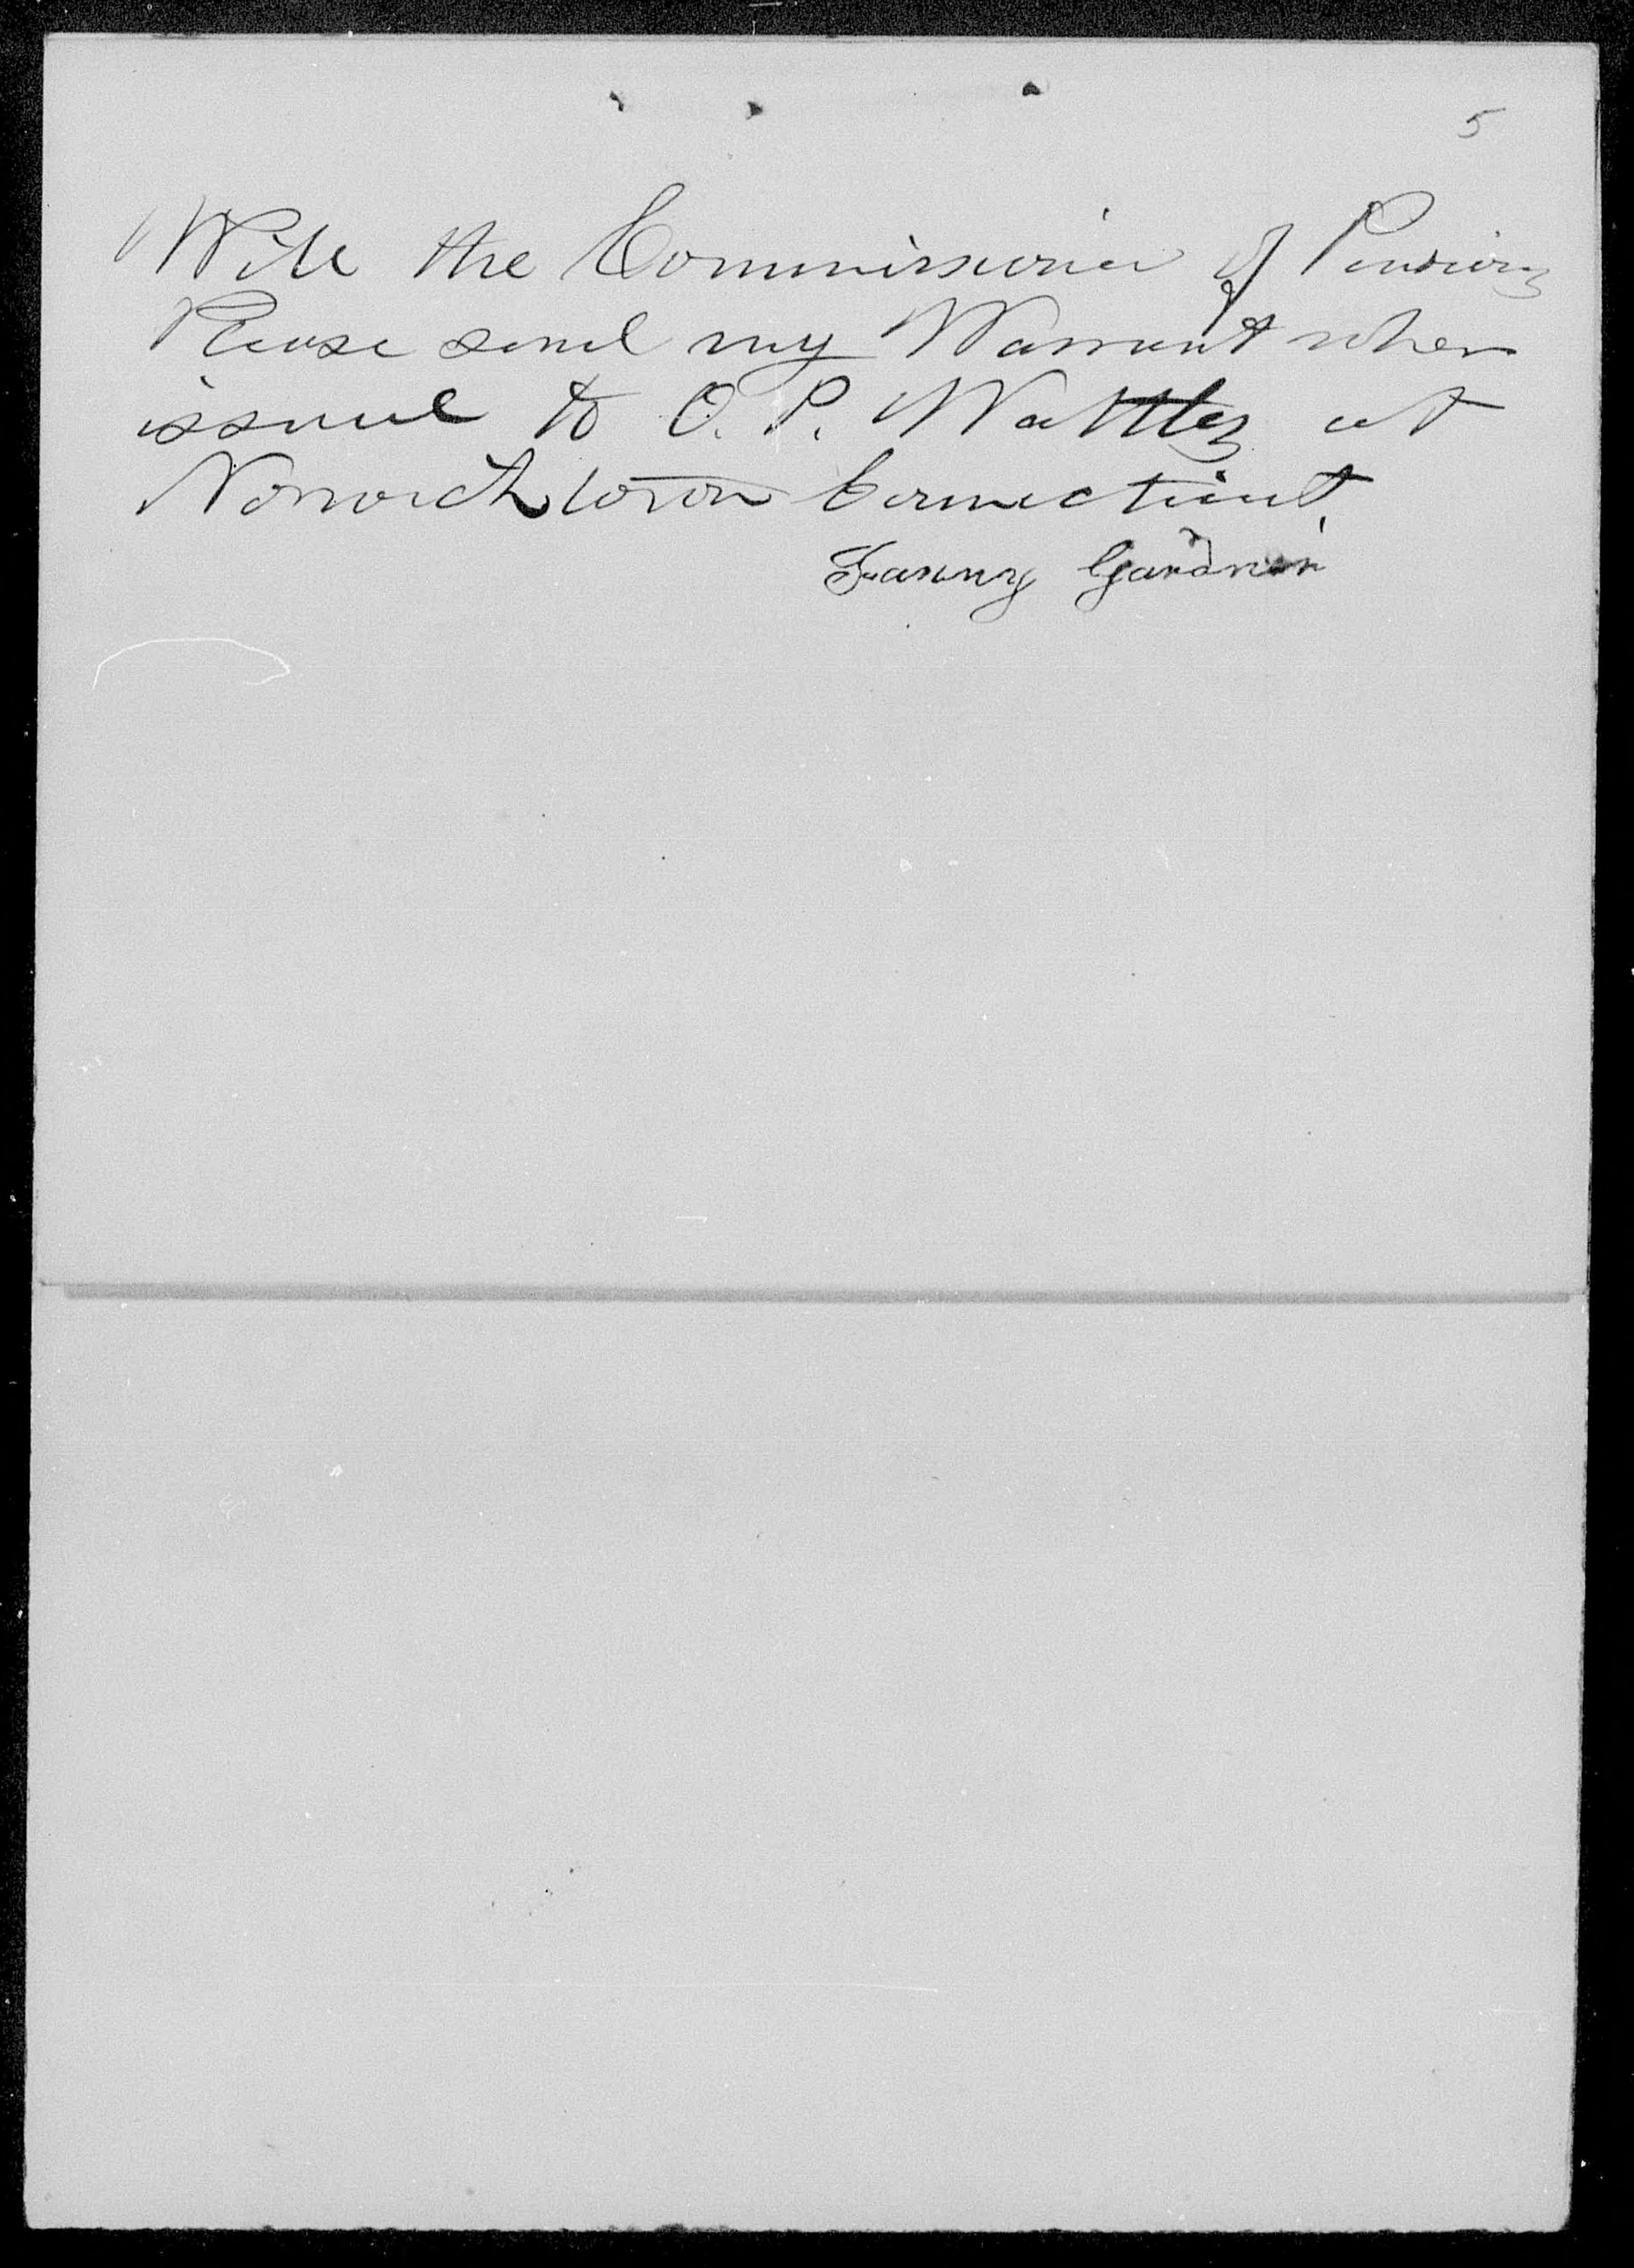5
Will the Commissioner of Pensions
Please send my Warrant when 
issued to O.P. Wattles at
Norwich town Connecticut.
Fanny Gardner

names: Fanny Gardner, O P Wattles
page: 16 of 66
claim: widow's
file: W 1850, David Gardner, Conn.